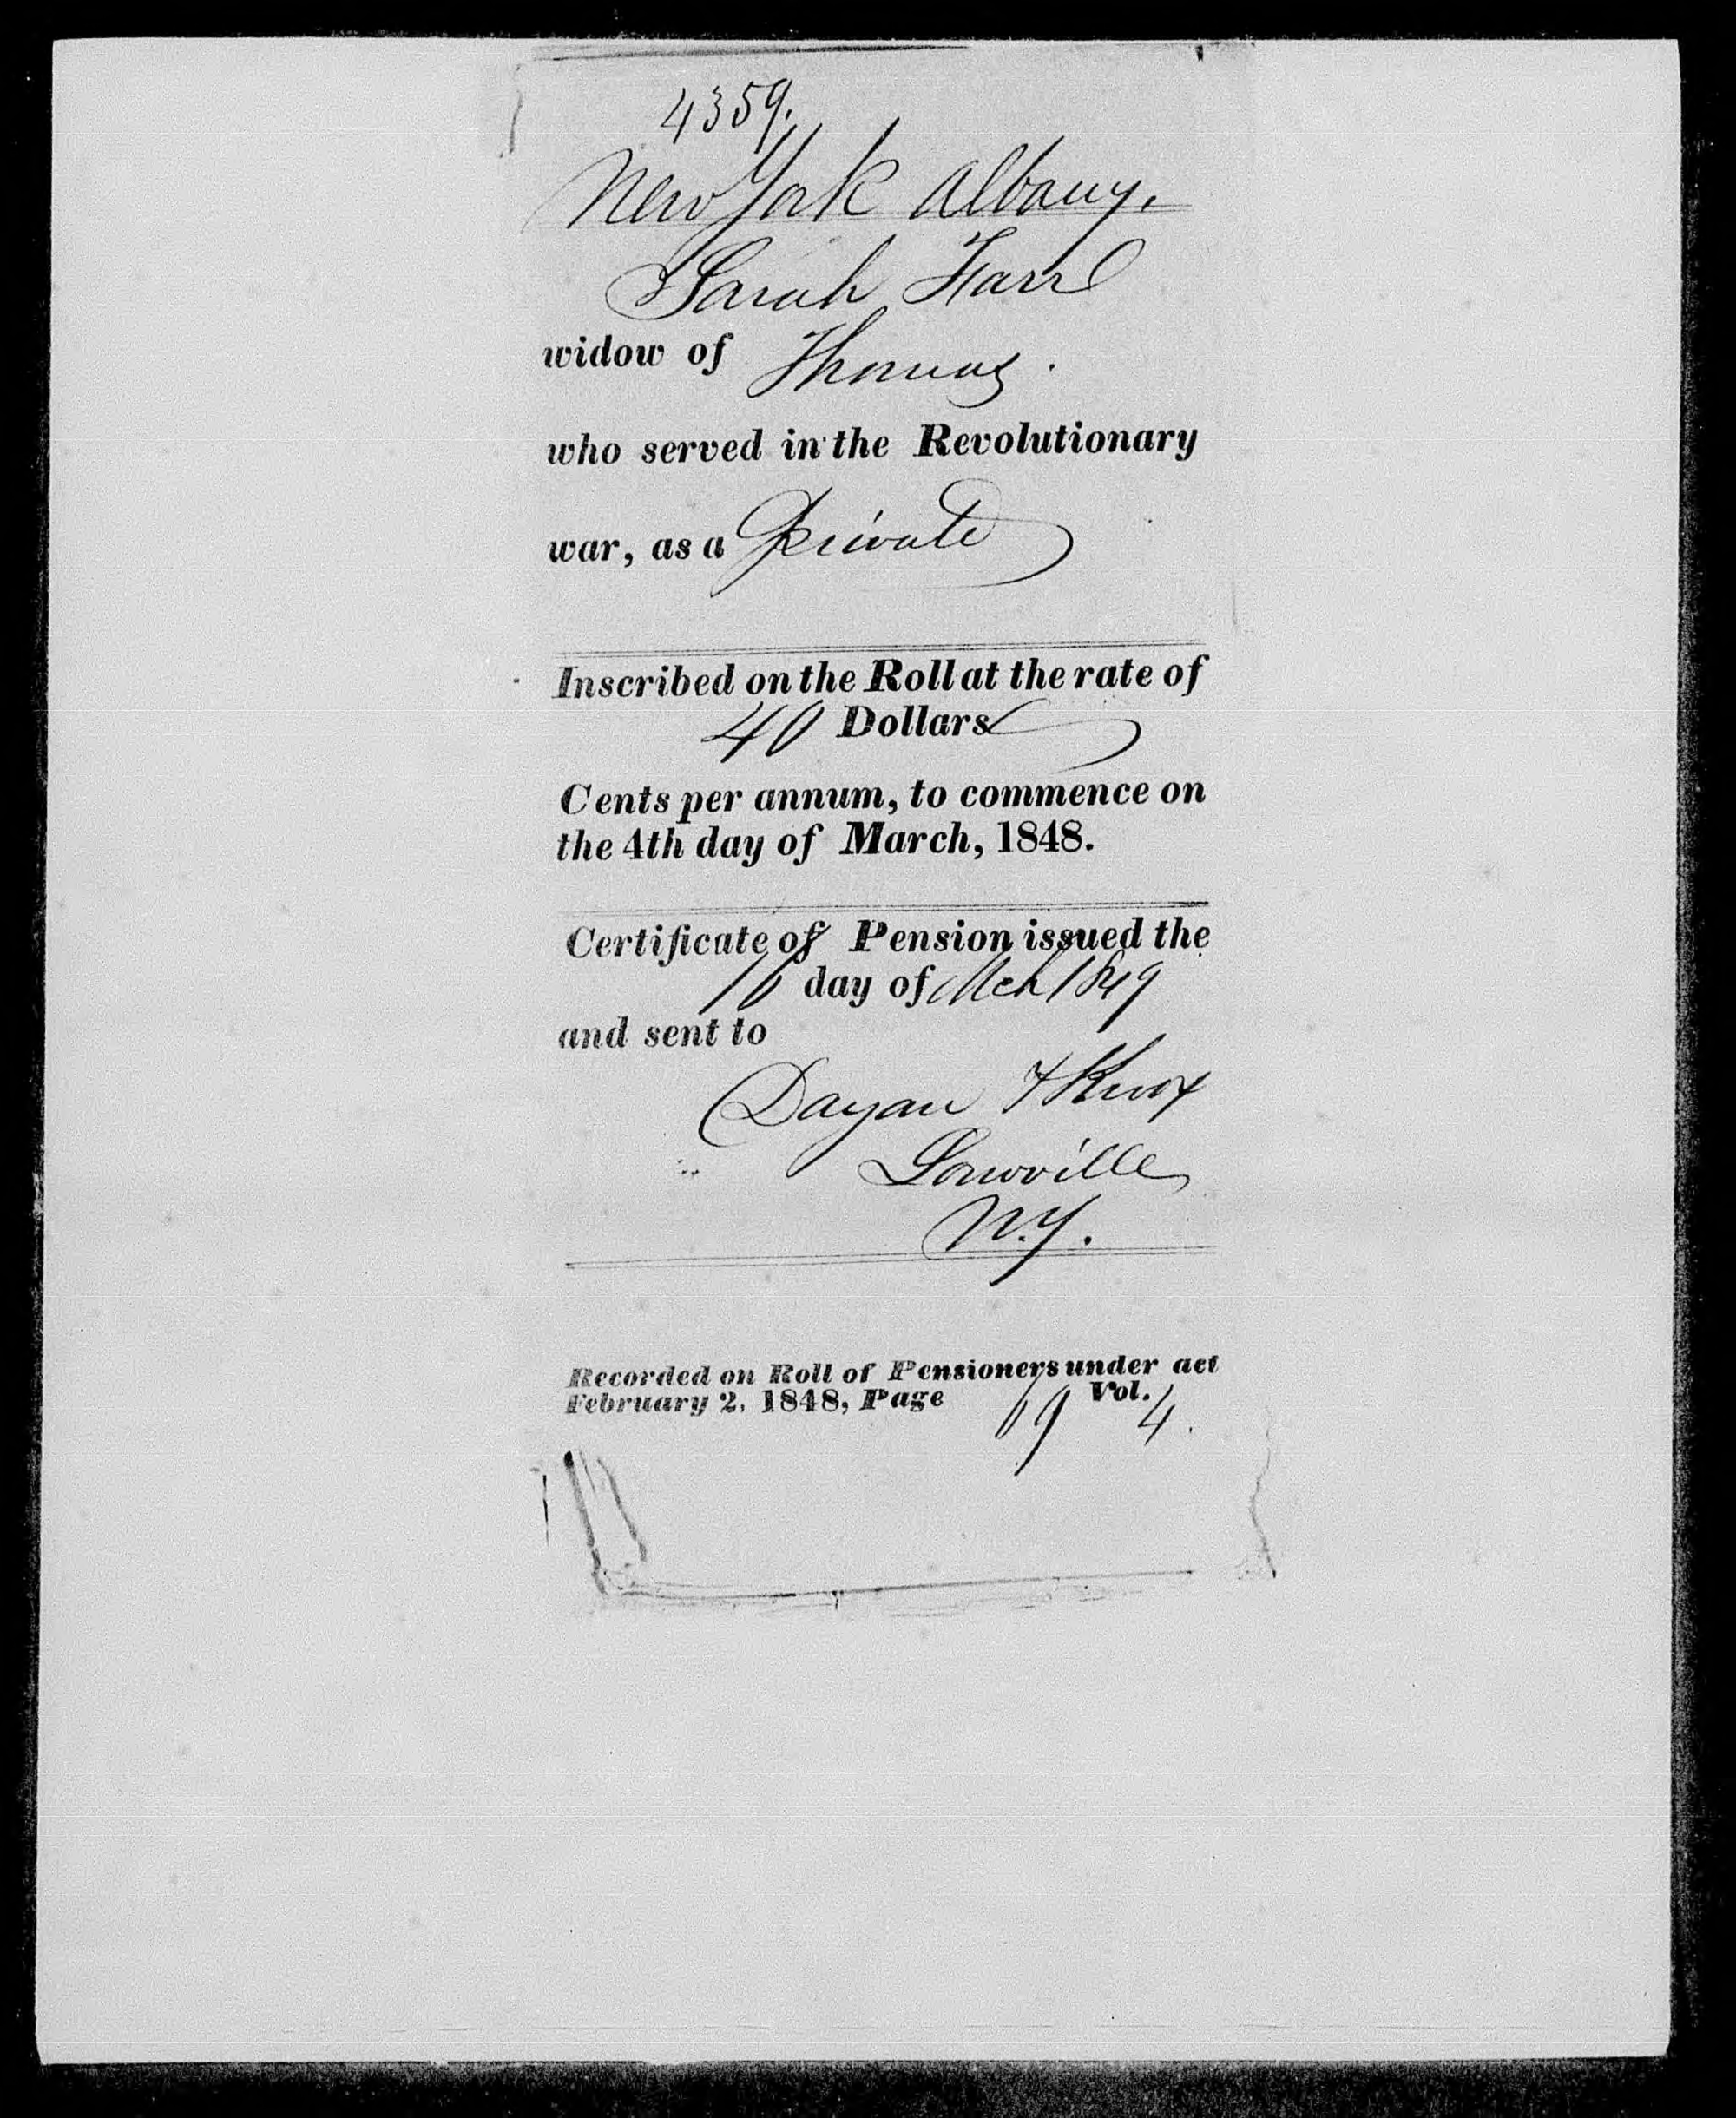4359.
New York Albany,
Sarah Farr
widow of Thomas
who served in the Revolutionary
war, as a private

Inscribed on the Roll at the rate of
40 Dollars
Cents per annum, to commence on
the 4th day of March, 1848.

Certificate of Pension issued the
16 day of Mch 1849
and sent to Zayan Knox
Lowville,
N.Y.


Recorded on Roll of Pensioners under act
February 2, 1848, Page 69  Vol. 4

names: Knox, Dayan, Sarah Farr, Thomas Farr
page: 26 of 46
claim: widow's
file: W. 23022, Thomas Farr, N.H.